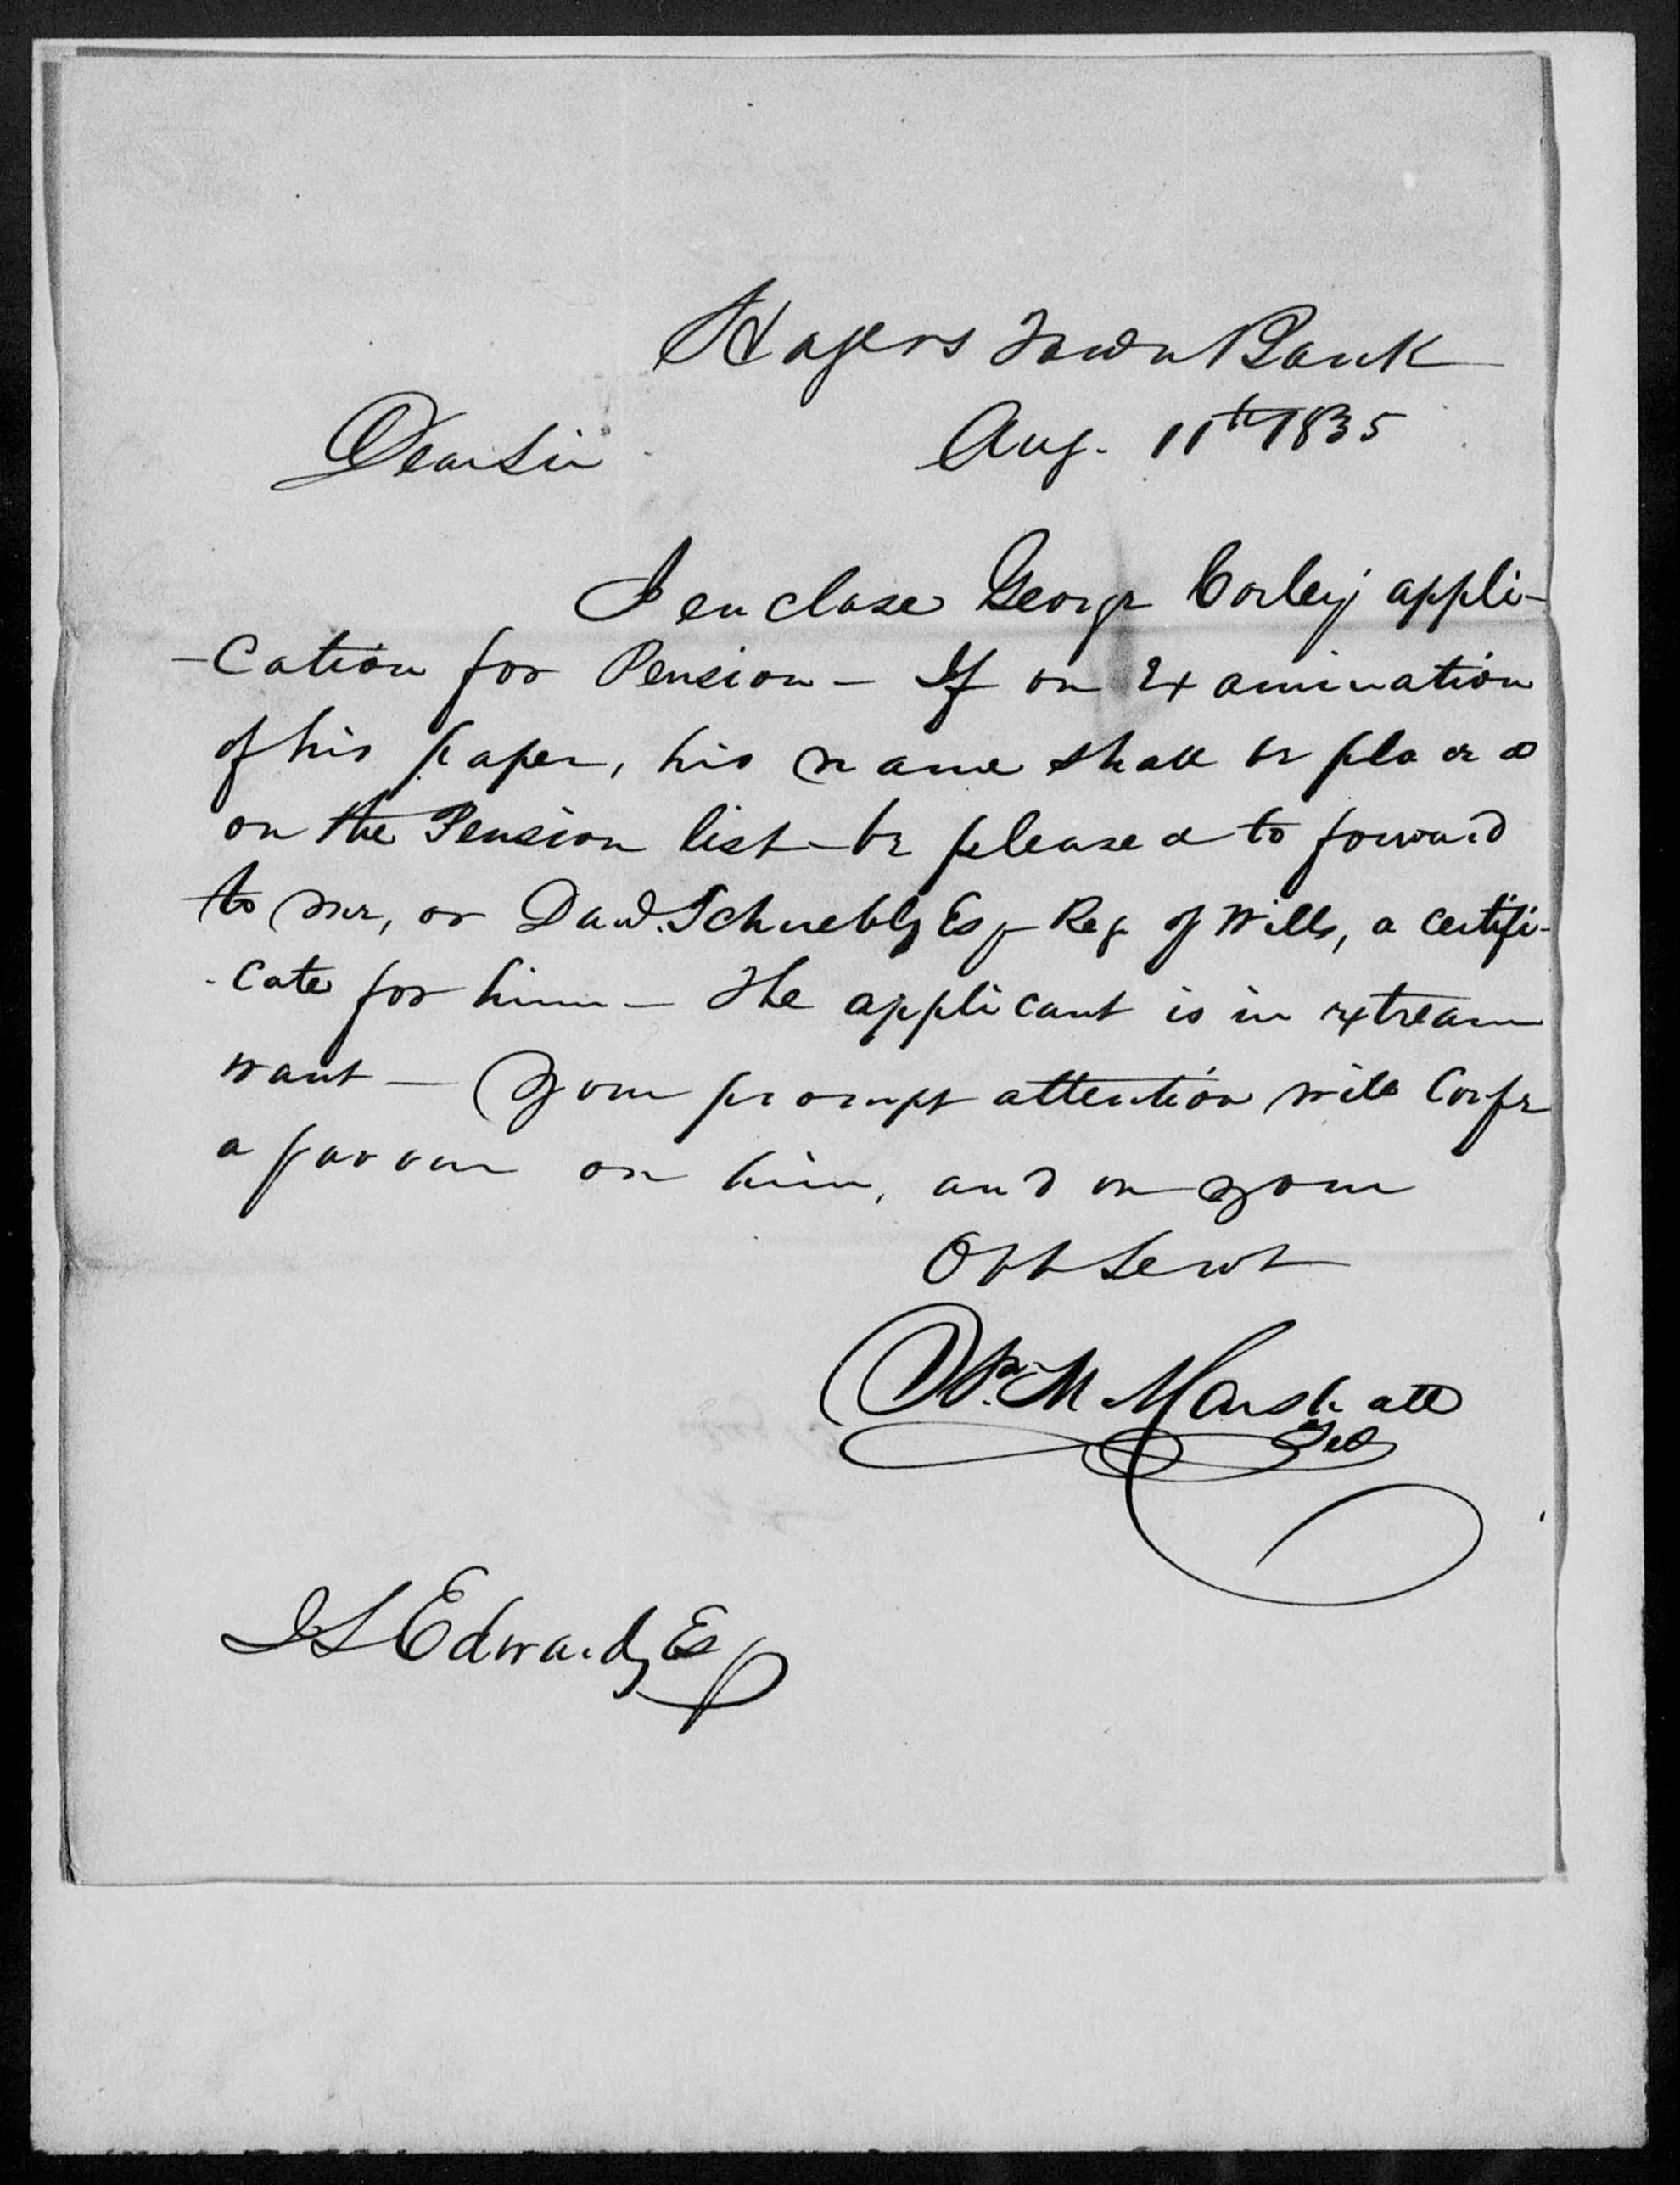Hagers Town Bank
Aug 11th 1835
Dear Sir
I enclose George Corley appli-
-cation for Pension - If on examination
of his paper, his name shall be placed
on the Pension list be pleased to forward
to me, or Danl. Schnebly Esq Ref of Wills, a certifi-
-cate for him - The applicant is in extream
want - Your prompt attention will Confer
a parron on him, and on your
Off Serv
Wm M Marshall
Clk

JS Edwards Esq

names: Danl Schnebly, J L Edwards, Wm M Marshall, George Corley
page: 12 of 22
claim: survivor's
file: S. 9,199, George Corley, Md.